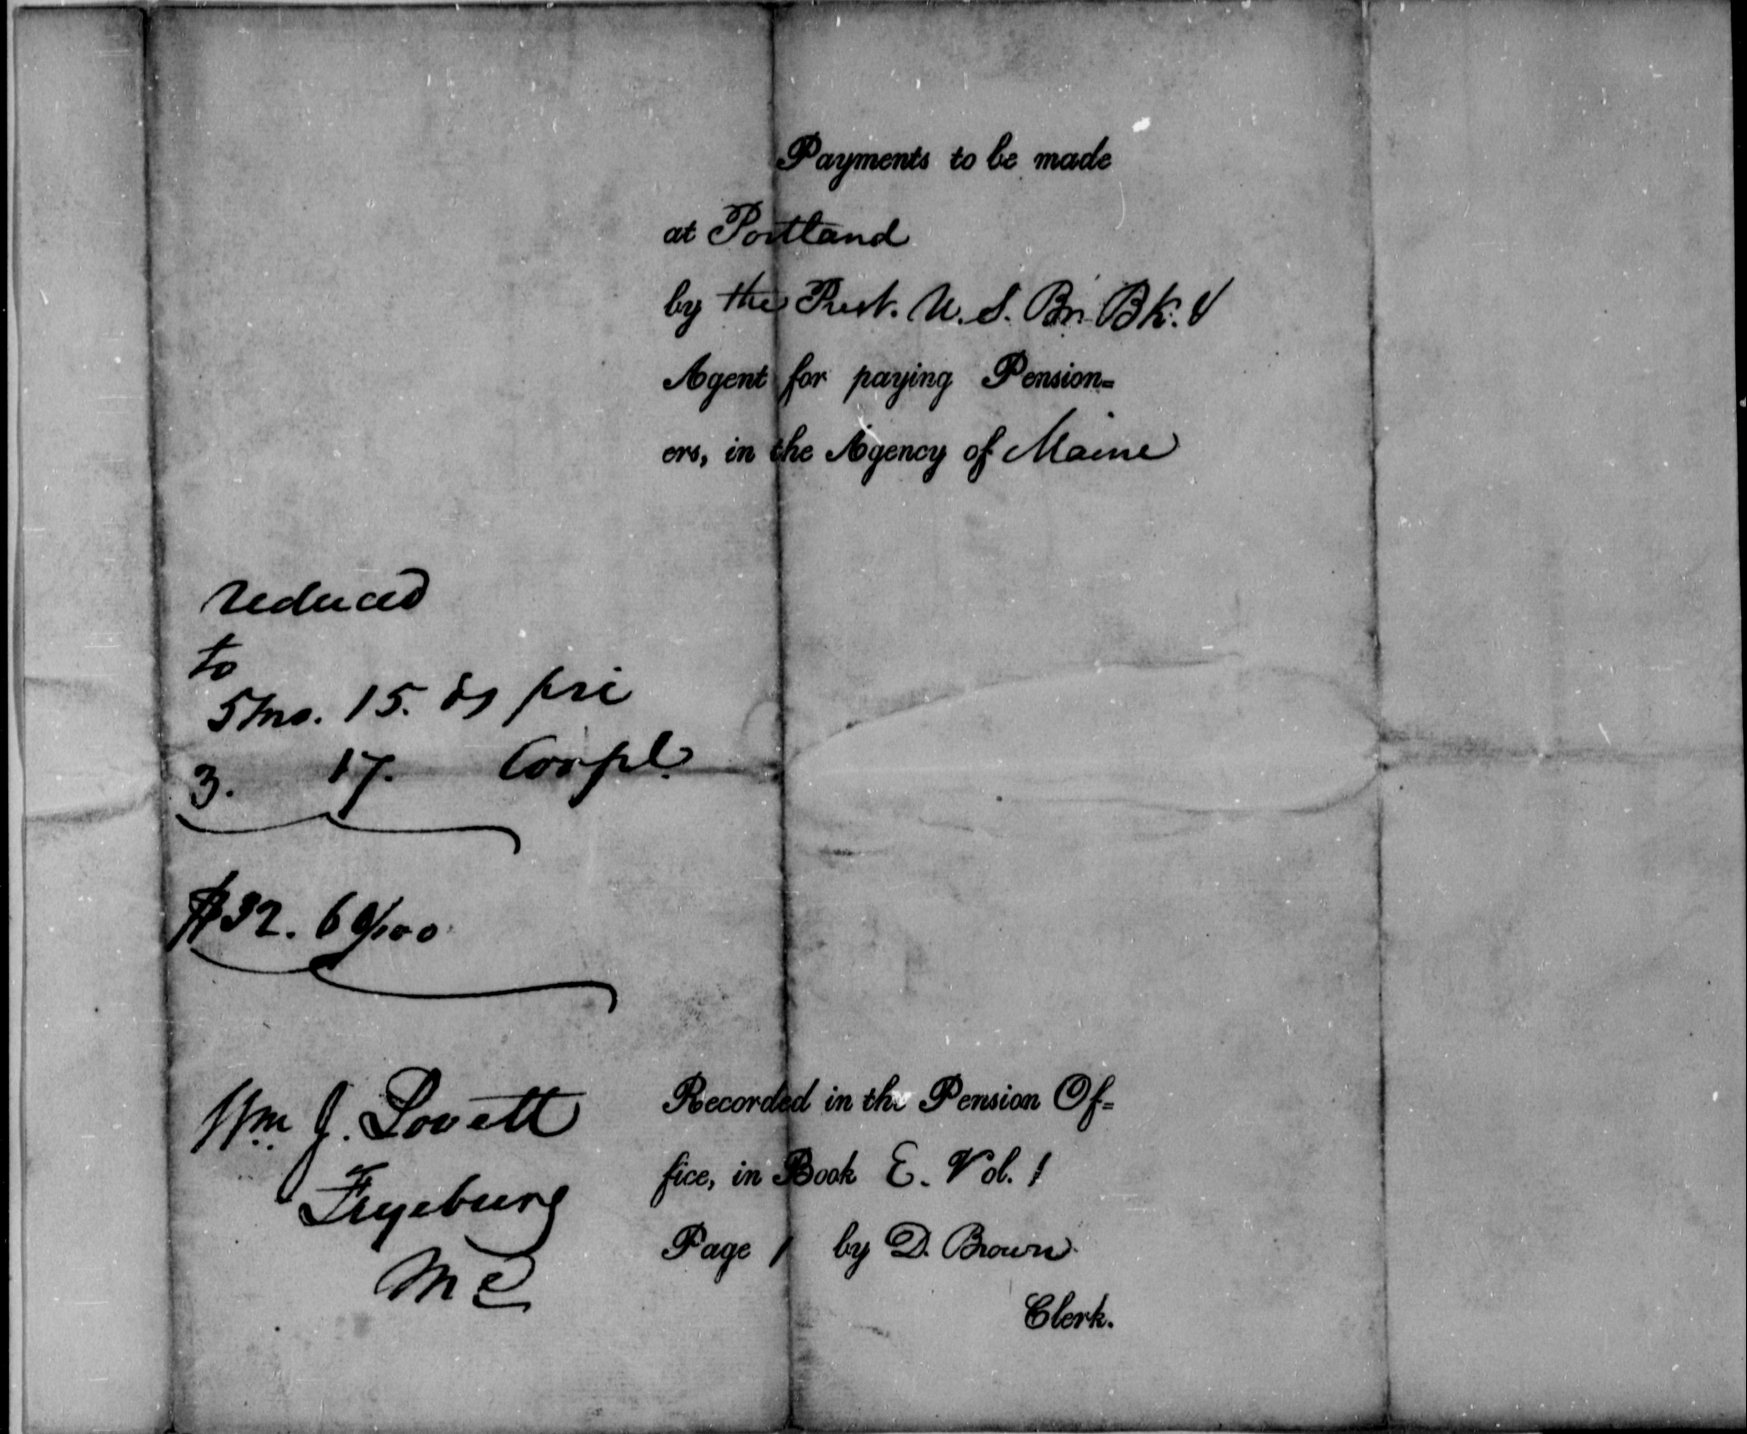[LEFT OF PAGE]

reduced
to
5mo. 15, as pri
3mo. 17 as Corpl
__________
$32.60/100
__________
[SIGNED: Wm. J. Lovett]
Fryeburg
ME.



[NORMAL]
Payments to be made
at Portland
by the Prest. W.S. Br: Bk. V
Agent for paying Pension-
ors, in the Agency of Maine





Recorded in the Pension Of=
fice, in Book E. Vol. 1
Page 1 by [SIGNED: D. Brown]
Clerk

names: D Brown, Wm J Lovett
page: 28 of 86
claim: survivor's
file: S 29,568, Isaac Abbot, Mass